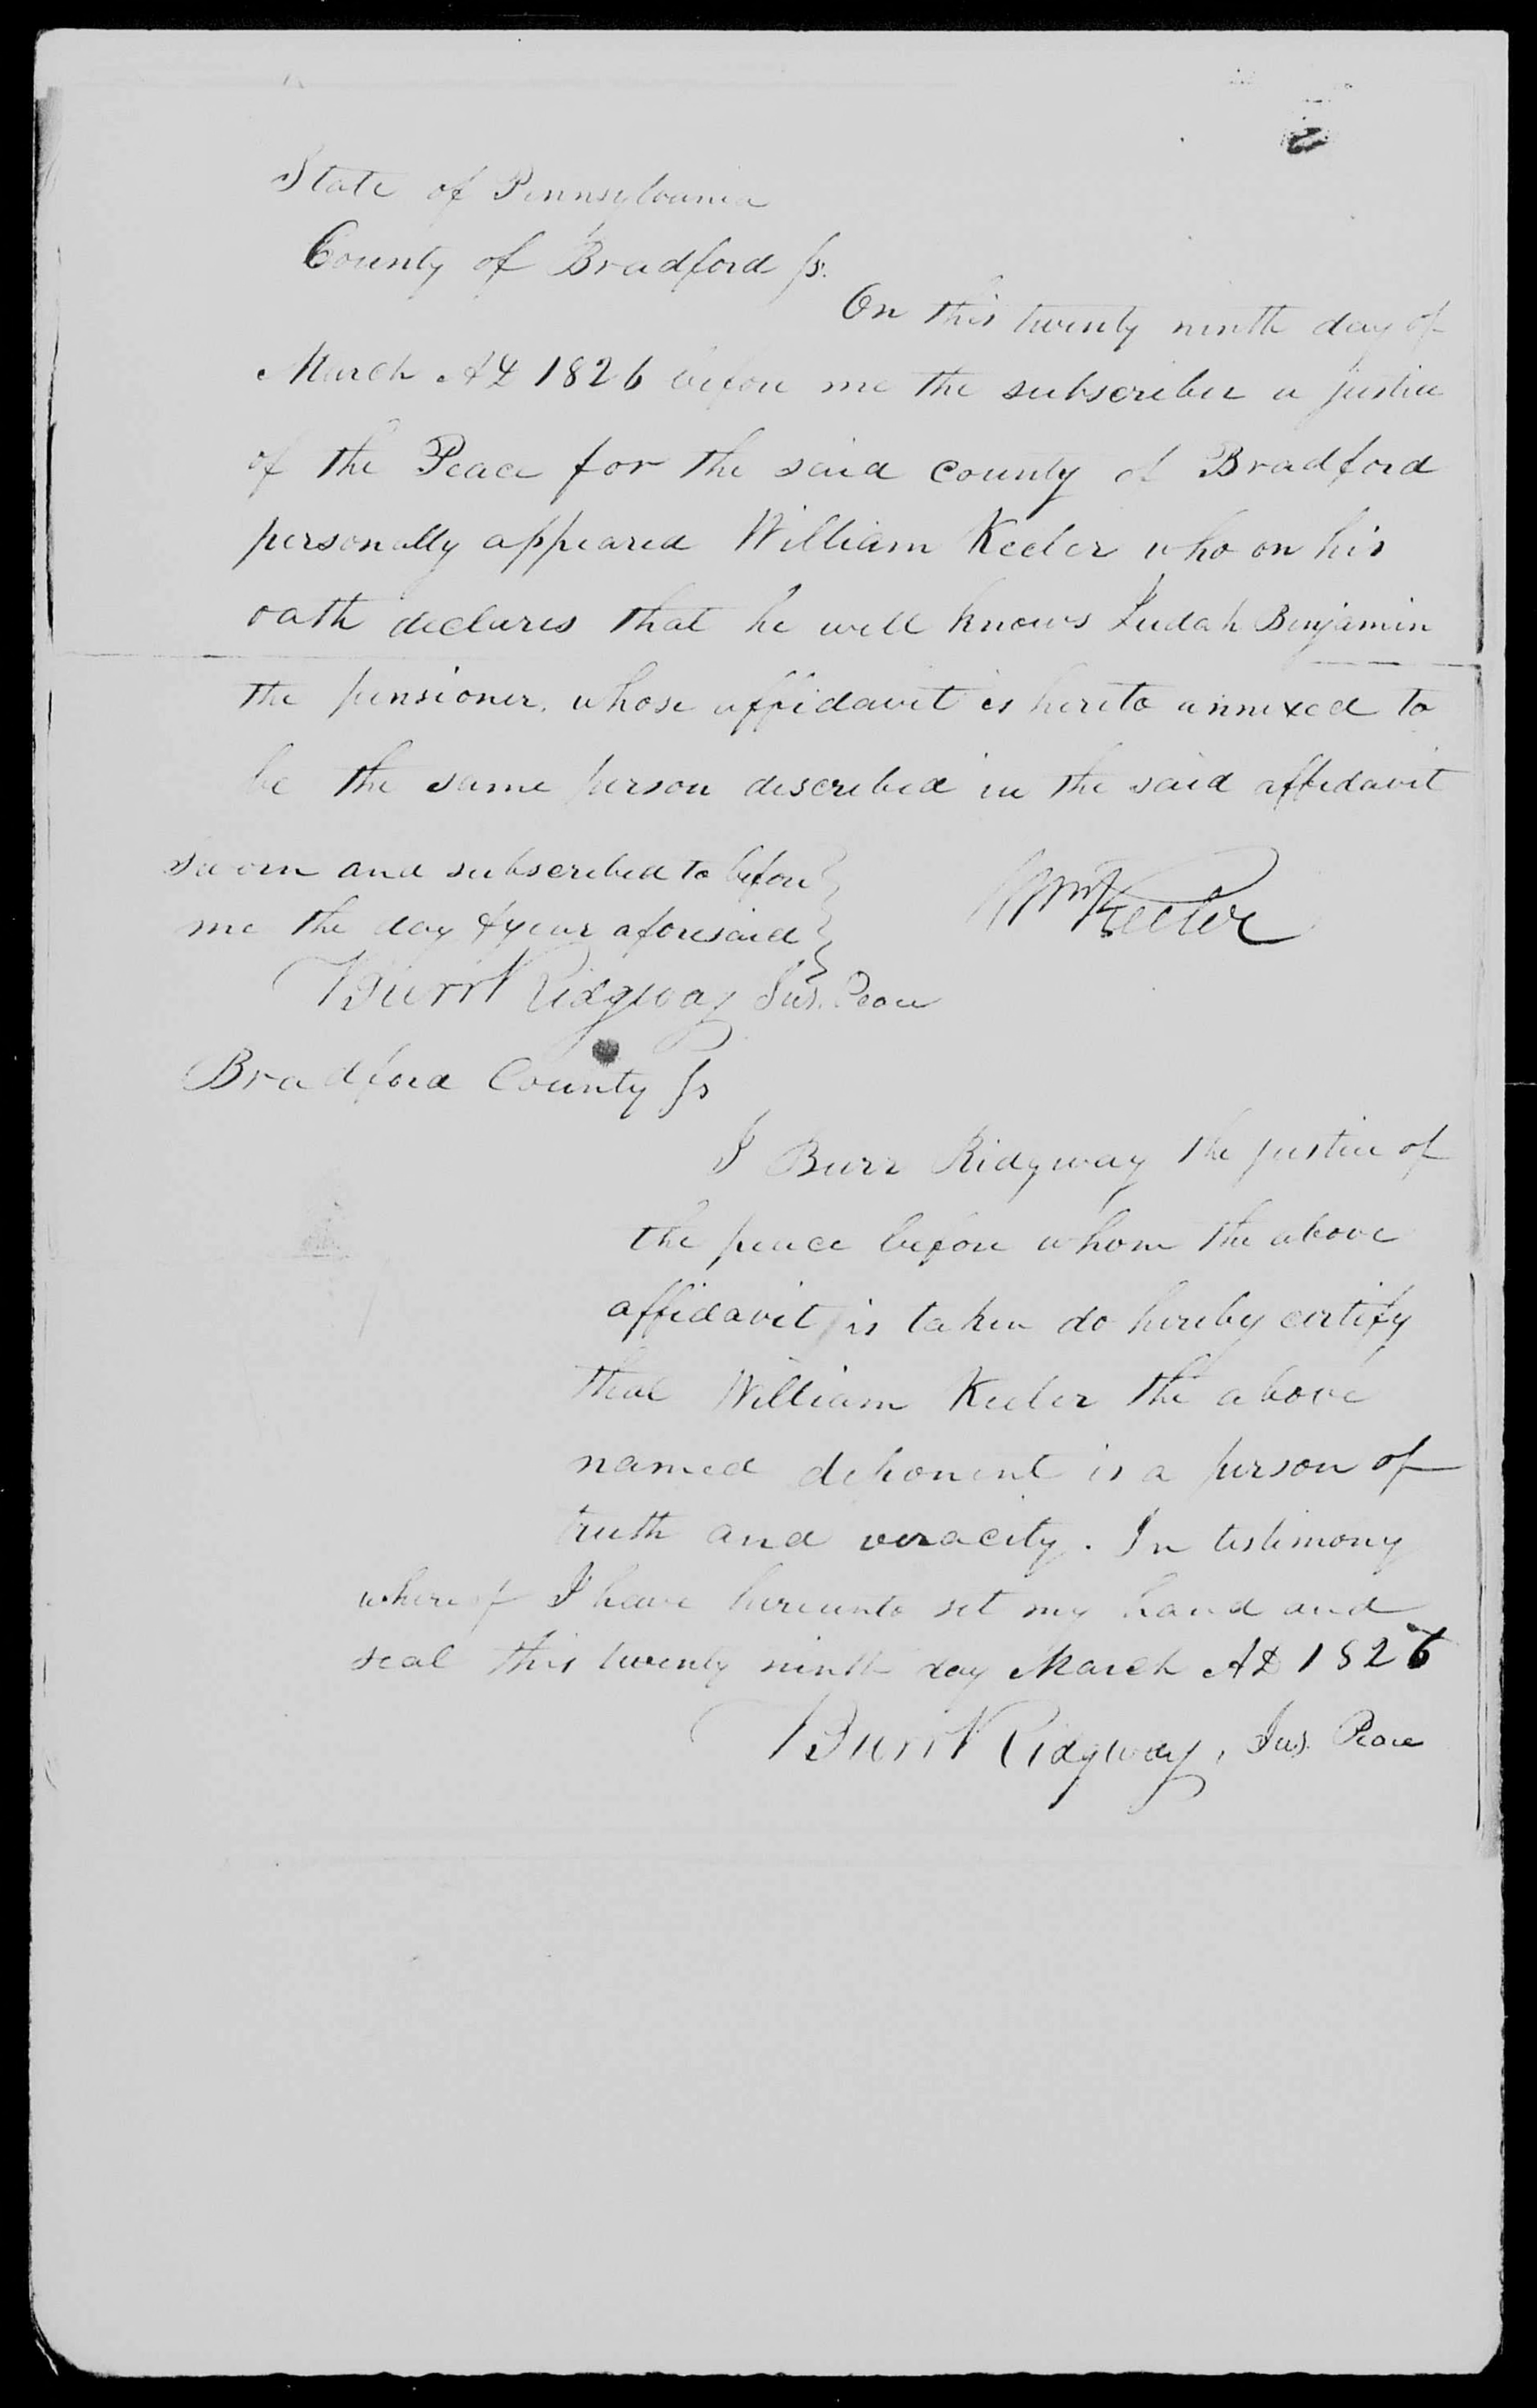State of Pennsylvania
County of Bradford ss.
On this twenty ninth day of March AD 1826 before me the subscriber a Justice of the Peace for the said County of Bradford personally appeared William Keeler who on his oath declares that he well knows Judah Benjamin the pensioner, whose affidavit is hereto annexed to be the same person described in the said affidavit
[signed] Wm Keeler
Sworn and subscribed to before me the day & year aforesaid
[signed] Burr Ridgway Jus. Peace

Bradford County ss
I Burr Ridgway the Justice of the peace before whom the above affidavit is taken do hereby certify that William Keeler the above named deponent is a person of truth and veracity. In testimony whereof I have hereunto set my hand and seal this twenty ninth day March AD 1826
[signed] Burr Ridgway, Jus. Peace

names: Burr Ridgway, William Keeler, William Keeler, Wm Keeler, Judah Benjamin, Burr Ridgway, Burr Ridgway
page: 11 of 34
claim: survivor's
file: S. 39981, Judah Benjamin, Continental (N. H. And N. Y.)